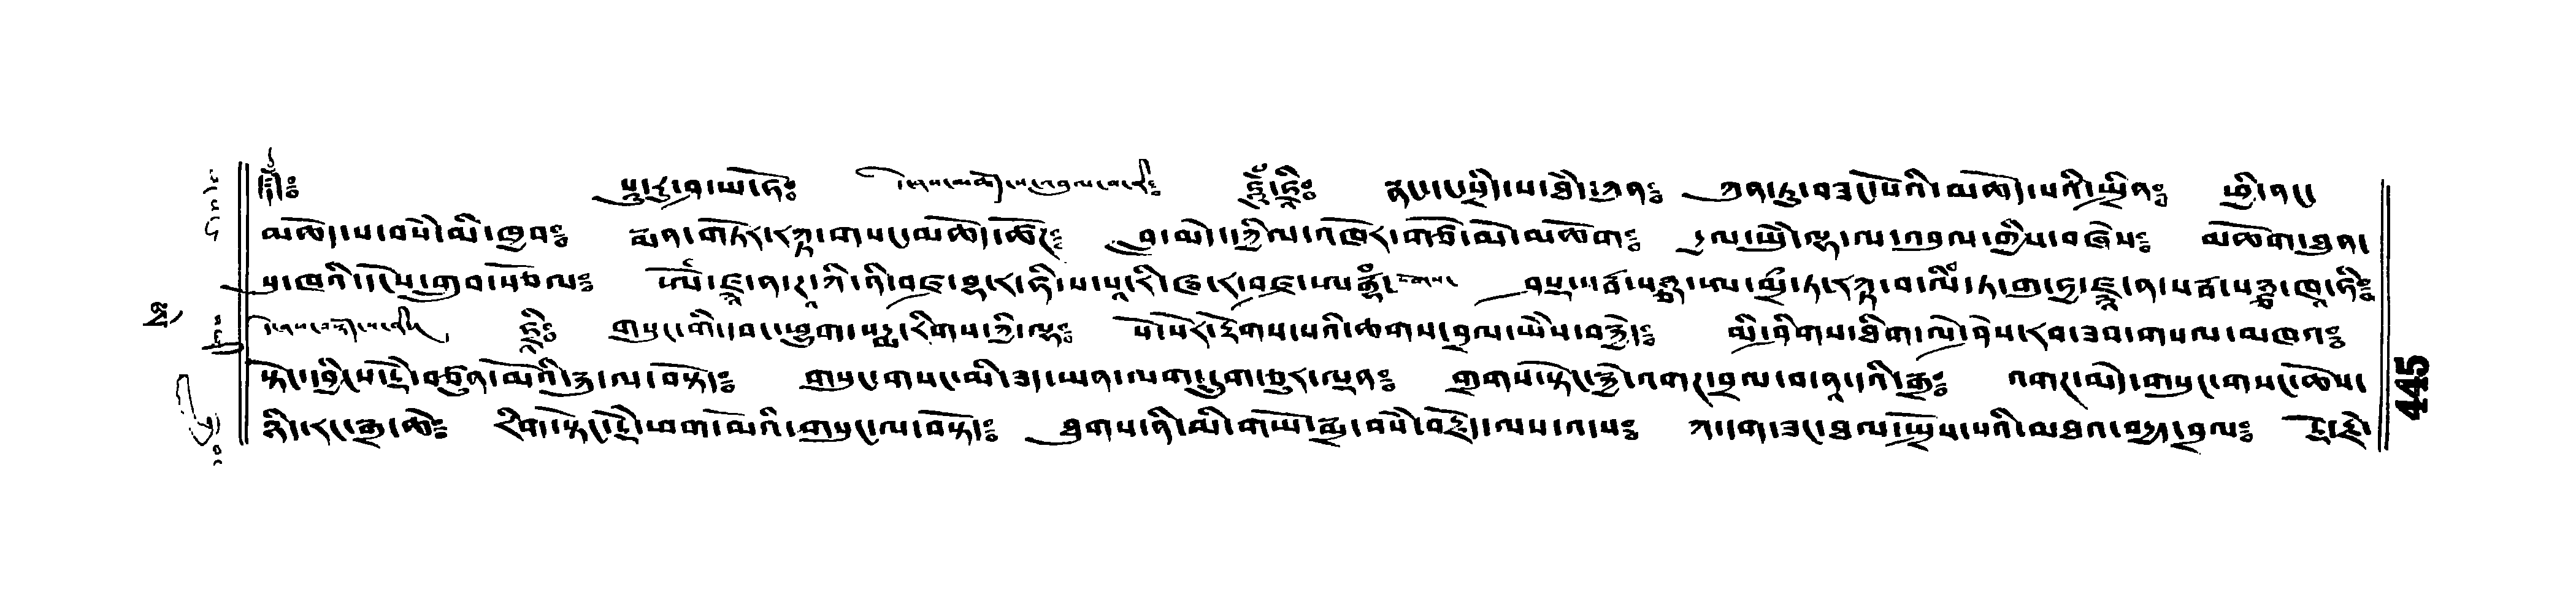པཱུ་རུ་ཤ་ཡ་ཧོཿ དེ་ནས་མཆོད་པ་འབུལ་བ་ནི༔ ཧཱུྃ་ཧྲཱིཿ སྣང་དང་སྲིད་པ་ཐམས་ཅད་ཀུན༔ ཀུན་ཏུ་བཟང་པོའི་མཆོད་པའི་སྤྲིན༔ ཕྱི་ནང་
མཆོད་པ་བསམ་མི་ཁྱབ༔ སྨན་གཏོར་རཀྟ་གསང་མཆོད་ཚོགས༔ བླ་མེད་དཀྱིལ་འཁོར་གཙོ་མོ་མཆོག༔ རྒྱལ་ཡུམ་ལྷ་ལ་འབུལ་གྱིས་བཞེས༔ མཆོག་ཐུན་
སུ་ཁའི་དངོས་གྲུབ་སྩོལ༔ ཨོཾ་ཛྙཱ་ན་ཌཱ་ཀི་ནི་བཛྲ་བྷ་ར་ཧི་ས་པཱ་རི་ཝ་ར་བཛྲ་ཨརྒྷཾ་སོགས༔ ཤཔྡ་སརྦ་པཉྩ་ཨ་མྲྀ་ཏ་རཀྟ་བ་ལིཾ་ཏ་གུ་ཧྱ་ཛྙཱ་ན་སརྦ་པཉྩ་ཁཱ་ཧི༔ 
དེ་ནས་བསྟོད་པ་ནི༔ ཧྲཱིཿ གསུང་གི་དབང་ཕྱུག་པདྨ་རིགས་ཀྱི་ལྷ༔ སོ་སོར་རྟོགས་པའི་ཆགས་བྲལ་ཡེ་ཤེས་བསྐྱེད༔ས མི་ཤིགས་ཐིག་ལེ་ཤེས་རབ་ཟབ་གསལ་མཁའ༔ 
སྟོང་དབྱིངས་རྡོ་རྗེ་བཙུན་མོའི་སྐུ་ལ་བསྟོད༔ གསུང་གསང་མི་ཟད་ཡན་ལག་དྲུག་ཅུར་ལྡན༔ གྲགས་སྟོང་སྐྱེ་འགགས་བྲལ་བ་ནཱ་དའི་སྒྲ༔ འགགས་མེད་གསུང་གསང་ཆོས་
ཉིད་རང་སྒྲ་ཆེ༔ རིག་སྟོང་རྡོ་རྗེ་ཕག་མོའི་གསུང་ལ་བསྟོད༔ ཐུགས་ནི་མི་གཡོ་སྨྲ་བསམ་བརྗོད་ལས་འདས༔ཀ་དག་ཟང་ཐལ་སྤྲོས་པའི་མཐའ་བརྒྱད་བྲལ༔ རྡོ་རྗེ་